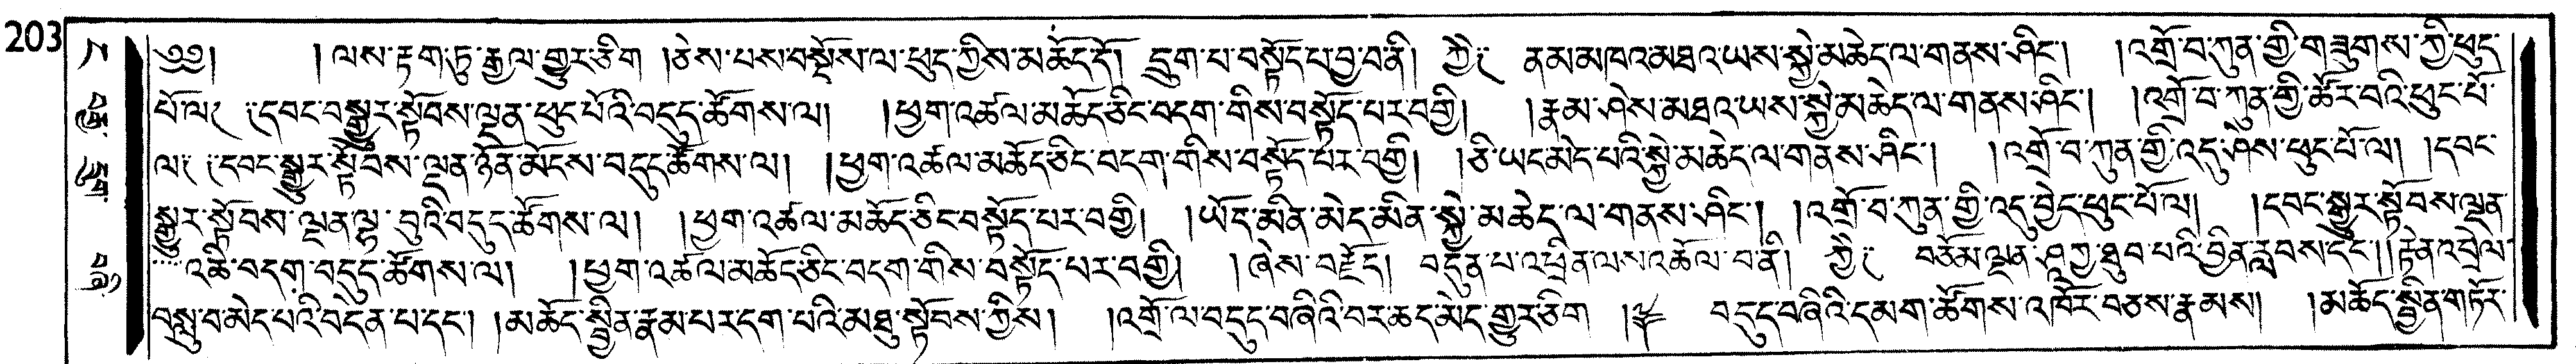༄༅། །ལས་རྟག་ཏུ་རྒྱལ་གྱུར་ཅིག །ཅེས་པས་བསྔོས་ལ་ཕུད་ཀྱིས་མཆོད་དོ། །དྲུག་པ་བསྟོད་པ་བྱ་བ་ནི། ཀྱཻ༑ ནམ་མཁའ་མཐའ་ཡས་སྐྱེ་མཆེད་ལ་གནས་ཤིང་། །འགྲོ་བ་ཀུན་གྱི་གཟུགས་ཀྱི་ཕུད་
པོ་ལ༑ ༑དབང་བསྒྱུར་སྟོབས་ལྡན་ཕུང་པོའི་བདུད་ཚོགས་ལ། །ཕྱག་འཚལ་མཆོད་ཅིང་བདག་གིས་བསྟོད་པར་བགྱི། །རྣམ་ཤེས་མཐའ་ཡས་སྐྱེ་མཆེད་ལ་གནས་ཤིང་། །འགྲོ་བ་ཀུན་གྱི་ཚོར་བའི་ཕུང་པོ་
ལ༑ ༑དབང་སྒྱུར་སྟོབས་ལྡན་ཉོན་མོངས་བདུད་ཚོགས་ལ། །ཕྱག་འཚལ་མཆོད་ཅིང་བདག་གིས་བསྟོད་པར་བགྱི། །ཅི་ཡང་མེད་པའི་སྐྱེ་མཆེད་ལ་གནས་ཤིང་། །འགྲོ་བ་ཀུན་གྱི་འདུ་ཤེས་ཕུང་པོ་ལ། །དབང་
སྒྱུར་སྟོབས་ལྡན་ལྷ་བུའི་བདུད་ཚོགས་ལ། །ཕྱག་འཚལ་མཆོད་ཅིང་བསྟོད་པར་བགྱི། །ཡོད་མིན་མེད་མིན་སྐྱེ་མཆེད་ལ་གནས་ཤིང་། །འགྲོ་བ་ཀུན་གྱི་འདུ་བྱེད་ཕུང་པོ་ལ། །དབང་སྒྱུར་སྟོབས་ལྡན་
འཆི་བདག་བདུད་ཚོགས་ལ། །ཕྱག་འཚལ་མཆོད་ཅིང་བདག་གིས་བསྟོད་པར་བགྱི། །ཞེས་བརྗོད། །བདུན་པ་འཕྲིན་ལས་འཆོལ་བ་ནི། ཀྱཻ༑ བཅོམ་ལྡན་ཤཱཀྱ་ཐུབ་པའི་བྱིན་རླབས་དང་། །རྟེན་འབྲེལ་
བསླུ་བ་མེད་པའི་བདེན་པ་དང་། །མཆོད་སྦྱིན་རྣམ་པར་དག་པའི་མཐུ་སྟོབས་ཀྱིས། །འགྲོ་ལ་བདུད་བཞིའི་བར་ཆད་མེད་གྱུར་ཅིག །༈ བདུད་བཞིའི་དམག་ཚོགས་འཁོར་བཅས་རྣམས། །མཆོད་སྦྱིན་གཏོར་